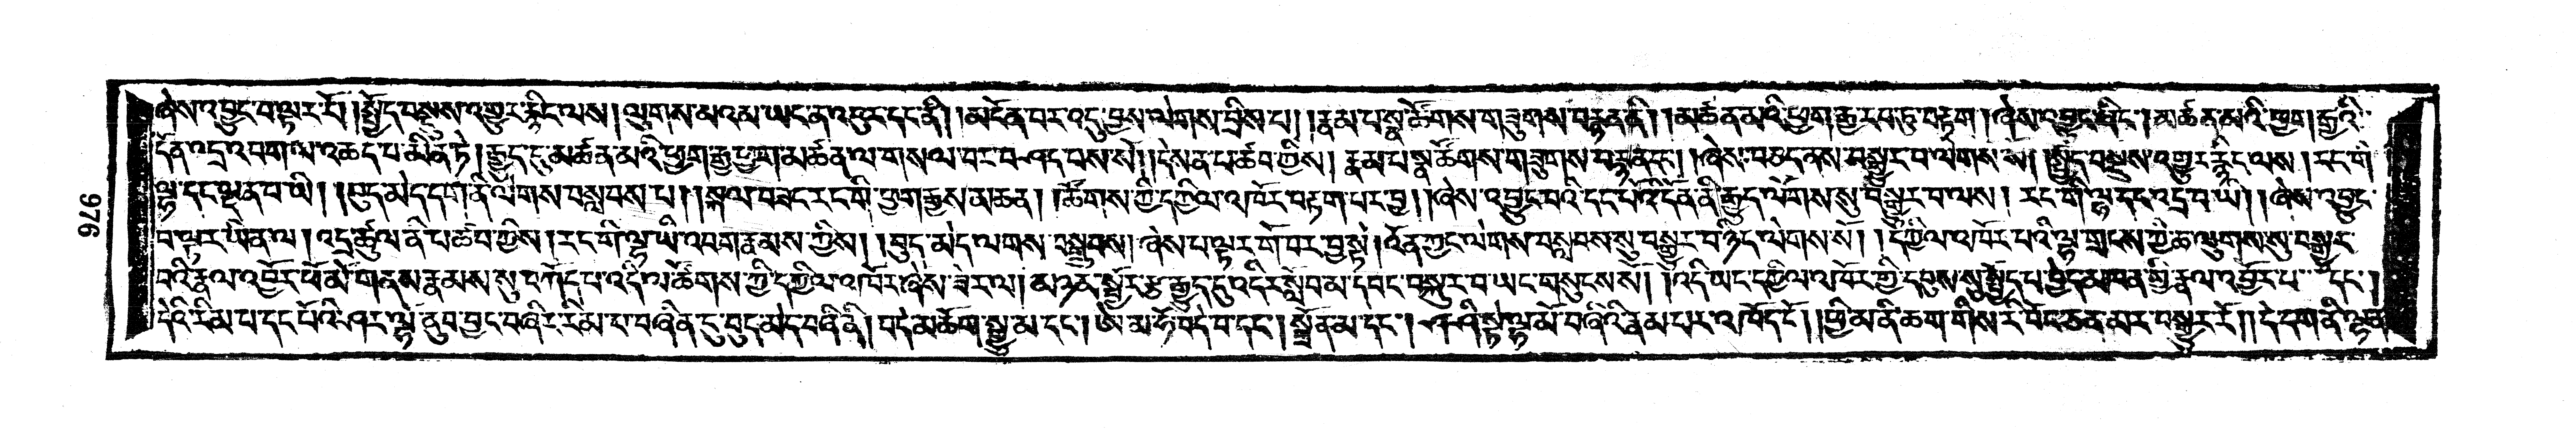ཞེས་འབྱུང་བ་ལྟར་རོ། །སྤྱོད་བསྡུས་འགྱུར་རྙིང་ལས། ལུགས་མའམ་ཡང་ན་འབུར་དང་ནི། །མངོན་པར་འདུ་བྱས་ལེགས་བྲིས་པ། །རྣམ་པ་སྣ་ཚོགས་གཟུགས་བརྙན་ནི། །མཚན་མའི་ཕྱག་རྒྱ་རབ་ཏུ་བརྟག །ཞེས་འབྱུང་ཞིང་། མཚན་མའི་ཕྱག་རྒྱའི་
དོན་འདི་འབག་ལ་འཆད་པ་མིན་ཏེ། རྒྱུད་དུ་མཚན་མའི་ཕྱག་རྒྱ་ཕྱག་མཚན་ལ་གསལ་བར་བཤད་པས་སོ། །དེས་ན་པ་ཚབ་ཀྱིས། རྣམ་པ་སྣ་ཚོགས་གཟུགས་བརྙན་དང་། །ཞེས་བཅད་ནས་བསྒྱུར་བ་ལེགས་སོ། །སྤྱོད་བསྡུས་འགྱུར་རྙིང་ལས། རང་གི་
ལྷ་དང་ལྡན་པ་ཡི། །བུད་མེད་དག་ནི་ལེགས་བསླབས་པ། །སྐལ་བཟང་རང་གི་ཕྱག་རྒྱས་མཚན། །ཚོགས་ཀྱི་དཀྱིལ་འཁོར་བརྟག་པར་བྱ། །ཞེས་འབྱུང་བའི་དང་པོའི་དོན་ནི་རྒྱུད་ལོགས་སུ་བསྒྱུར་བ་ལས། རང་གི་ལྷ་དང་འདྲ་བ་ཡི། །ཞེས་འབྱུང་
བ་ལྟར་ཡིན་ལ། འདྲ་ཚུལ་ནི་པ་ཚབ་ཀྱིས། རང་གི་ལྷ་ཡི་འབག་རྣམས་ཀྱིས། །བུད་མེད་ལགས་བསྒྲུབས། ཞེས་པ་ལྟར་གོ་བར་བྱ་སྟེ། འོན་ཀྱང་ལེགས་བསླབས་སུ་བསྒྱུར་བ་ཉིད་ལེགས་སོ། །དཀྱིལ་འཁོར་པའི་ལྷ་གྲངས་ཀྱི་ཆ་ལུགས་སུ་བསྒྱུར་
བའི་རྣལ་འབྱོར་ཕོ་མོ་གནས་རྣམས་སུ་བཀོད་པ་འདི་ལ་ཚོགས་ཀྱི་དཀྱིལ་འཁོར་ཞེས་ཟེར་ལ། མཉམ་སྦྱོར་རྩ་རྒྱུད་དུ་འདིར་སློབ་མ་དབང་བསྐུར་བ་ཡང་གསུངས་སོ། །འདི་ཡང་དཀྱིལ་འཁོར་གྱི་དབུས་སུ་སྤྱོད་པ་བྱེད་མཁན་གྱི་རྣལ་འབྱོར་པ་དང་།
དེའི་རིམ་པ་དང་པོའི་ཤར་ལྷོ་ནུབ་བྱང་བཞིར་རིམ་པ་བཞིན་དུ་བུད་མེད་བཞི་ནི། བདེ་མཆོག་སྒྱུ་མ་དང་། ཨེ་མ་ཧོ་བདེ་བ་དང་། སྒྲོན་མ་དང་། ཤ་ཤི་སྟེ་ལྷ་མོ་བཞིའི་རྣམ་པར་འཁོད་དོ། །ཕྱི་མ་ནི་ཆག་གིས་རི་བོང་ཅན་མར་བསྒྱུར་རོ། །དེ་དག་ནི་ལྷན་